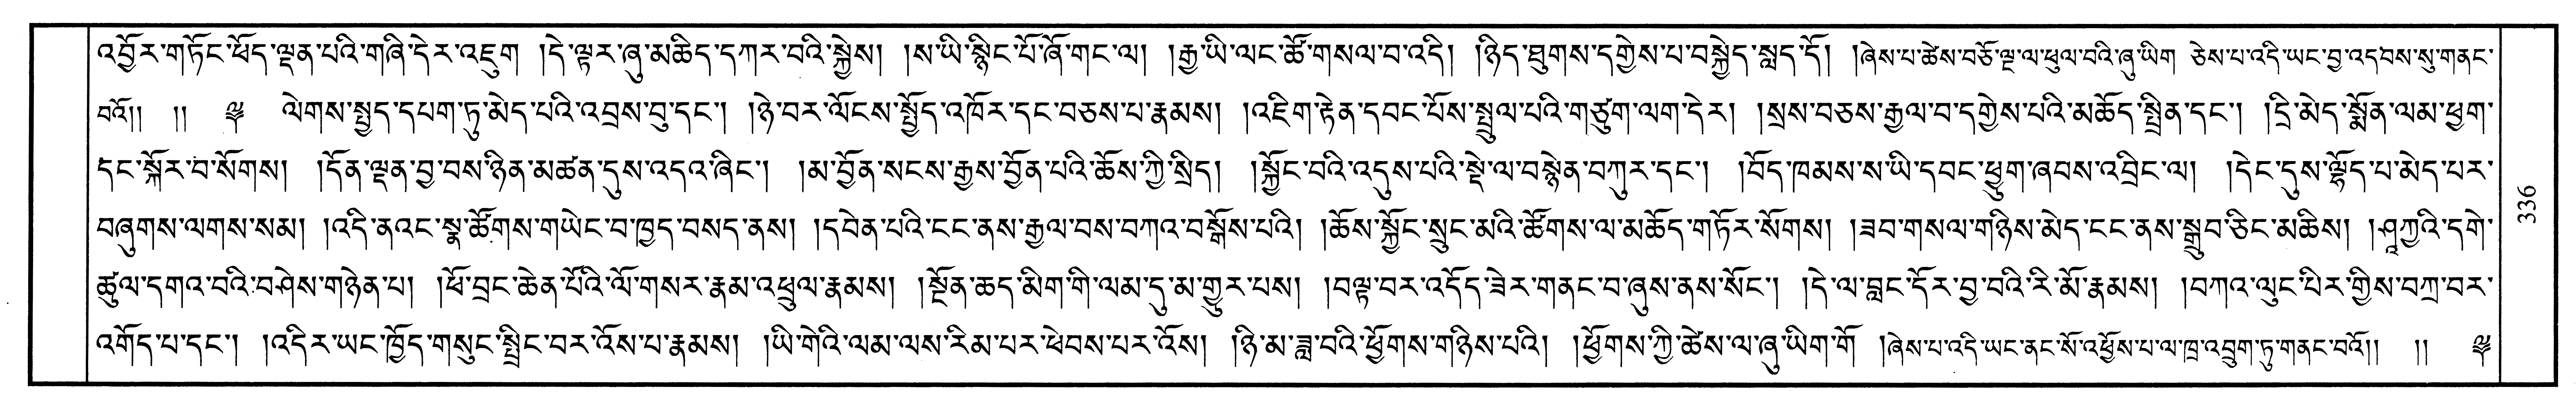འབྱོར་གཏོང་ཕོད་ལྡན་པའི་གཞི་དེར་འཇུག །དེ་ལྟར་ཞུ་མཆིད་དཀར་བའི་སྐྱེས། །ས་ཡི་སྙིང་པོ་ཞོ་གང་ལ། །རྒྱ་ཡི་ལང་ཚོ་གསལ་བ་འདི། །ཉིད་ཐུགས་དགྱེས་པ་བསྐྱེད་སླད་དོ། །ཞེས་པ་ཚེས་བཅོ་ལྔ་ལ་ཕུལ་བའི་ཞུ་ཡིག་ཅེས་པ་འདི་ཡང་བྱ་འདབས་སུ་གནང་
བའོ།། །། ༈ ལེགས་སྤྱད་དཔག་ཏུ་མེད་པའི་འབྲས་བུ་དང་། །ཉེ་བར་ལོངས་སྤྱོད་འཁོར་དང་བཅས་པ་རྣམས། །འཇིག་རྟེན་དབང་པོས་སྤྲུལ་པའི་གཙུག་ལག་དེར། །སྲས་བཅས་རྒྱལ་བ་དགྱེས་པའི་མཆོད་སྤྲིན་དང་། །དྲི་མེད་སྨོན་ལམ་ཕྱག་
དང་སྐོར་བ་སོགས། །དོན་ལྡན་བྱ་བས་ཉིན་མཚན་དུས་འདའ་ཞིང་། །མ་བྱོན་སངས་རྒྱས་བྱོན་པའི་ཆོས་ཀྱི་སྲིད། །སྐྱོང་བའི་འདུས་པའི་སྡེ་ལ་བསྙེན་བཀུར་དང་། །བོད་ཁམས་ས་ཡི་དབང་ཕྱུག་ཞབས་འབྲིང་ལ། །དེང་དུས་ལྷོད་པ་མེད་པར་
བཞུགས་ལགས་སམ། །འདི་ནའང་སྣ་ཚོགས་གཡེང་བ་ཁྱད་བསད་ནས། །དབེན་པའི་ངང་ནས་རྒྱལ་བས་བཀའ་བསྒོས་པའི། །ཆོས་སྐྱོང་སྲུང་མའི་ཚོགས་ལ་མཆོད་གཏོར་སོགས། །ཟབ་གསལ་གཉིས་མེད་ངང་ནས་སྒྲུབ་ཅིང་མཆིས། །ཤཱཀྱའི་དགེ་
ཚུལ་དགའ་བའི་བཤེས་གཉེན་པ། །ཕོ་བྲང་ཆེན་པོའི་ལོ་གསར་རྣམ་འཕྲུལ་རྣམས། །སྔོན་ཆད་མིག་གི་ལམ་དུ་མ་གྱུར་པས། །བལྟ་བར་འདོད་ཟེར་གནང་བ་ཞུས་ནས་སོང་། །དེ་ལ་བླང་དོར་བྱ་བའི་རི་མོ་རྣམས། །བཀའ་ལུང་པིར་གྱིས་བཀྲ་བར་
འགོད་པ་དང་། །འདིར་ཡང་ཁྱོད་གསུང་སྤྲིང་བར་འོས་པ་རྣམས། །ཡི་གེའི་ལམ་ལས་རིམ་པར་ཕེབས་པར་འོས། །ཉི་མ་ཟླ་བའི་ཕྱོགས་གཉིས་པའི། །ཕྱོགས་ཀྱི་ཚེས་ལ་ཞུ་ཡིག་གོ །ཞེས་པ་འདི་ཡང་ནང་སོ་འཕྱོས་པ་ལ་ཁྲ་འབྲུག་ཏུ་གནང་བའོ།། །། ༈